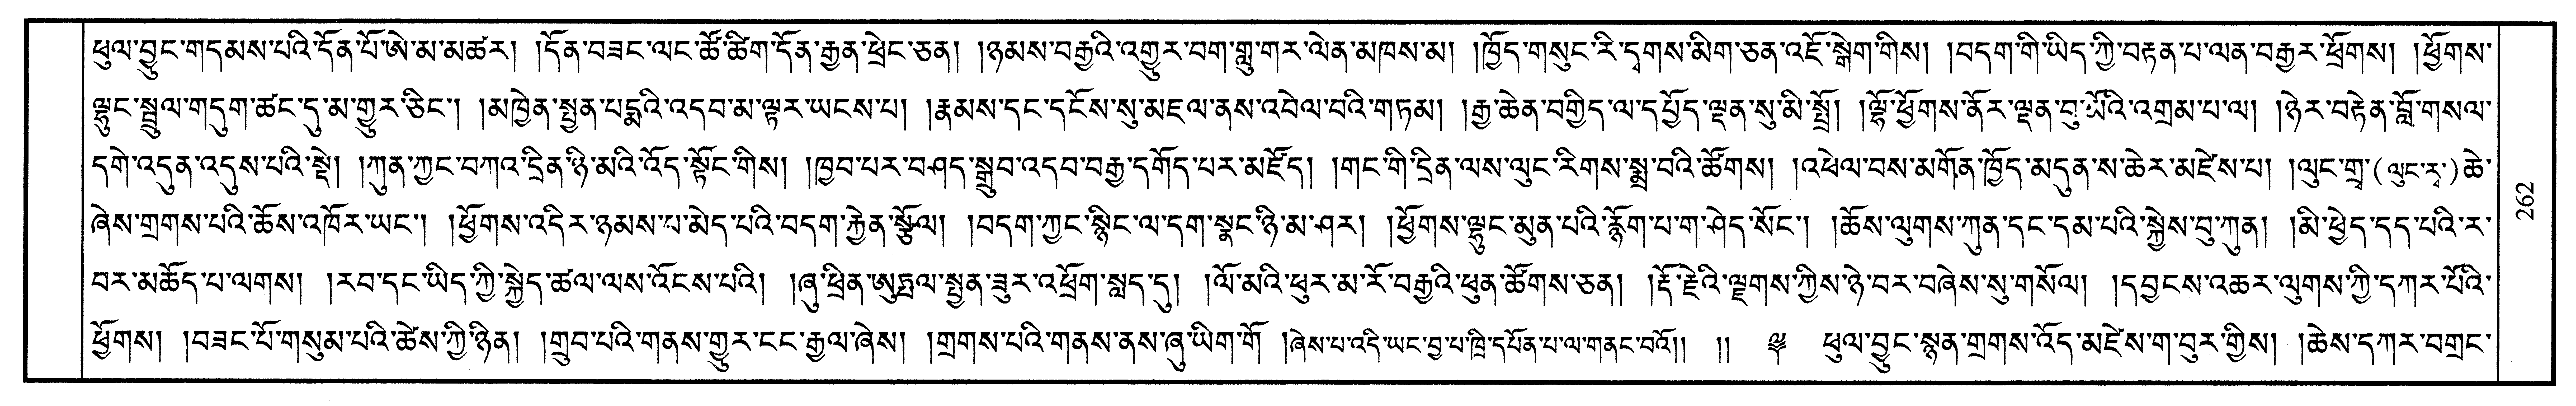ཕུལ་བྱུང་གདམས་པའི་དོན་པོ་ཨེ་མ་མཚར། །དོན་བཟང་ལང་ཚོ་ཚིག་དོན་རྒྱན་ཕྲེང་ཅན། །ཉམས་བརྒྱའི་འགྱུར་བག་གླུ་གར་ལེན་མཁས་མ། །ཁྱོད་གསུང་རི་དྭགས་མིག་ཅན་འཇོ་སྒེག་གིས། །བདག་གི་ཡིད་ཀྱི་བརྟན་པ་ལན་བརྒྱར་ཕྲོགས། །ཕྱོགས་
ལྷུང་སྦྲུལ་གདུག་ཚང་དུ་མ་གྱུར་ཅིང་། །མཁྱེན་སྤྱན་པདམའི་འདབ་མ་ལྟར་ཡངས་པ། །རྣམས་དང་དངོས་སུ་མཇལ་ནས་འབེལ་བའི་གཏམ། །རྒྱ་ཆེན་བགྱིད་ལ་དཔྱོད་ལྡན་སུ་མི་སྤྲོ། །ལྷོ་ཕྱོགས་ནོར་ལྡན་བུ་མོའི་འགྲམ་པ་ལ། །ཉེར་བརྟེན་བློ་གསལ་
དགེ་འདུན་འདུས་པའི་སྡེ། །ཀུན་ཀྱང་བཀའ་དྲིན་ཉི་མའི་འོད་སྟོང་གིས། །ཁྱབ་པར་བཤད་སྒྲུབ་འདབ་བརྒྱ་དགོད་པར་མཛོད། །གང་གི་དྲིན་ལས་ལུང་རིགས་སྨྲ་བའི་ཚོགས། །འཕེལ་བས་མགོན་ཁྱོད་མདུན་ས་ཆེར་མཛེས་པ། །ལུང་གྲྭ་ལུང་རྭ་ཆེ་
ཞེས་གྲགས་པའི་ཆོས་འཁོར་ཡང་། །ཕྱོགས་འདིར་ཉམས་པ་མེད་པའི་བདག་རྐྱེན་སྩོལ། །བདག་ཀྱང་སྙིང་ལ་དག་སྣང་ཉི་མ་ཤར། །ཕྱོགས་ལྷུང་མུན་པའི་རྙོག་པ་ག་ཤེད་སོང་། །ཆོས་ལུགས་ཀུན་དང་དམ་པའི་སྐྱེས་བུ་ཀུན། །མི་ཕྱེད་དད་པའི་ར་
བར་མཆོད་པ་ལགས། །རབ་དང་ཡིད་ཀྱི་སྐྱེད་ཚལ་ལས་འོངས་པའི། །ཞུ་ཕྲིན་ཨུཏྤལ་སྤྱན་ཟུར་འཕྲོག་སླད་དུ། །ལོ་མའི་ཕུར་མ་རོ་བརྒྱའི་ཕུན་ཚོགས་ཅན། །རྡོ་རྗེའི་ལྗགས་ཀྱིས་ཉེ་བར་བཞེས་སུ་གསོལ། །དབྱངས་འཆར་ལུགས་ཀྱི་དཀར་པོའི་
ཕྱོགས། །བཟང་པོ་གསུམ་པའི་ཚེས་ཀྱི་ཉིན། །གྲུབ་པའི་གནས་གྱུར་ངང་རྒྱལ་ཞེས། །གྲགས་པའི་གནས་ནས་ཞུ་ཡིག་གོ །ཞེས་པ་འདི་ཡང་བྱ་བ་ཁྲི་དཔོན་པ་ལ་གནང་བའོ།། །། ༈ ཕུལ་བྱུང་སྙན་གྲགས་འོད་མཛེས་ག་བུར་གྱིས། །ཆེས་དཀར་བགྲང་